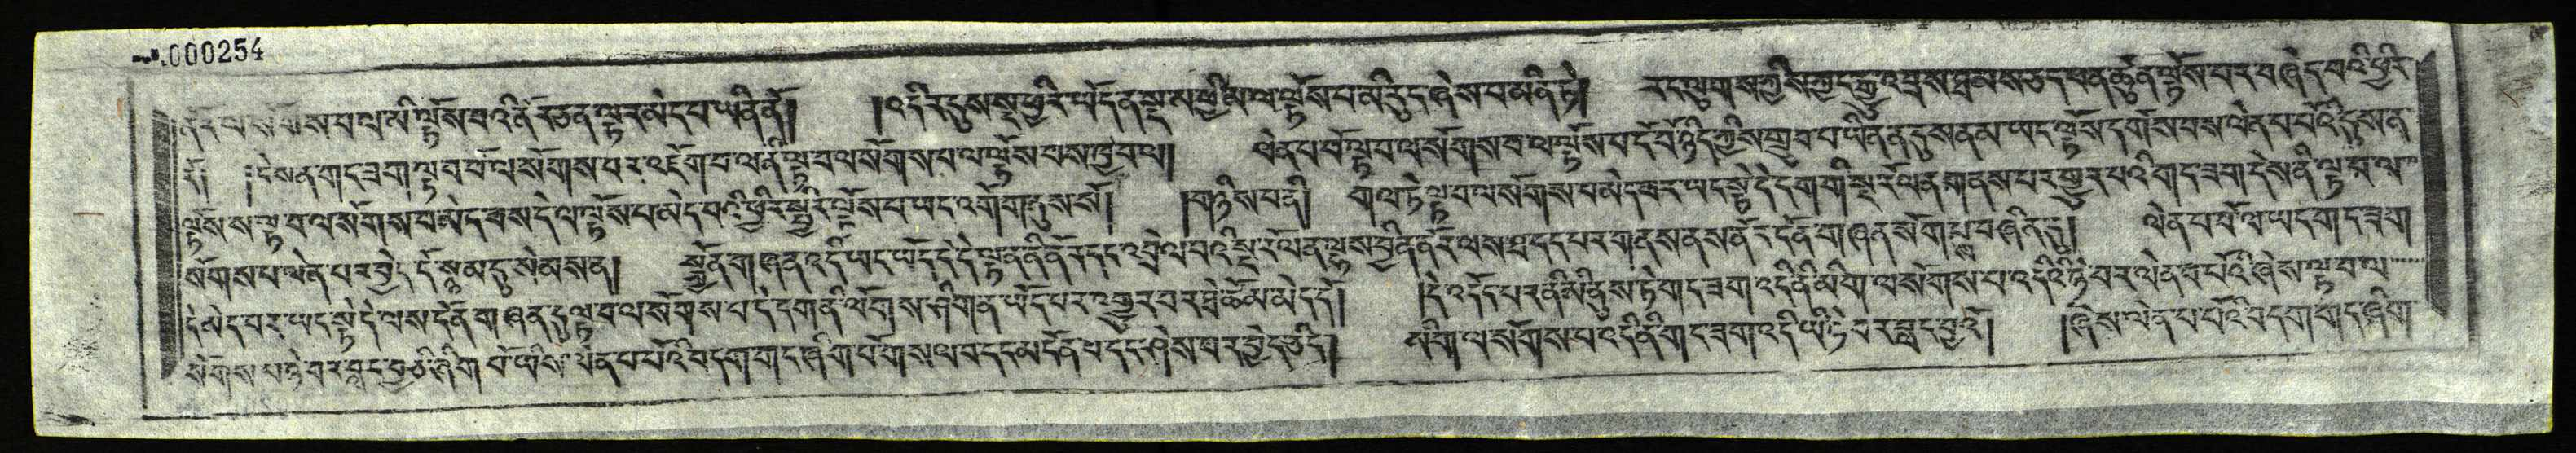ནོར་ལ་སོགས་པ་ལ་མི་ལྟོས་པའི་ནོར་ཅན་ལྟར་མེད་པ་ཡིན་ནོ། །འདིར་དུས་སྔ་ཕྱིར་ཡོད་ན་སྔ་མ་ཕྱི་མ་ལ་ལྟོས་པ་མི་རུང་ཞེས་པ་མིན་ཏེ། རང་ལུགས་ཀྱིས་ཀྱང་རྒྱུ་འབྲས་ཐམས་ཅད་ཕན་ཚུན་ལྟོས་པར་བཞེད་པའི་ཕྱིར་
རོ༑ ༑དེས་ན་གང་ཟག་ལྟ་བ་པོ་ལ་སོགས་པར་འཇོག་པ་ལ་ནི་ལྟ་བ་ལ་སོགས་པ་ལ་ལྟོས་པས་ཁྱབ་ལ། ཕེན་པ་པོ་ལྟ་བ་ལ་སོགས་པ་ལ་ལྟོས་པ་ངོ་བོ་ཉིད་ཀྱིས་གྲུབ་པ་ཡིན་ན་དུས་ནམ་ཡང་ལྟོས་དགོས་པས་ལེན་པ་པོའི་དུས་ན་
ལྟོས་ས་ལྟ་བ་ལ་སོགས་པ་མེད་པས་དེ་ལ་ལྟོས་པ་མེད་པའི་ཕྱིར་སྤྱིར་ལྟོས་པ་ཡང་འགོག་ནུས་སོ། །གཉིས་པ་ནི། གལ་ཏེ་ལྟ་བ་ལ་སོགས་པ་མེད་པར་ཡང་སྟེ་དེ་དག་གི་སྔ་རོལ་ན་གནས་པར་གྱུར་པའི་གང་ཟག་དེས་ནི་ལྟ་བ་ལ་
སོགས་པ་ལེན་པར་བྱེད་དོ་སྙམ་དུ་སེམས་ན། སྐྱོན་གཞན་འདི་ཡང་ཡོད་དེ་དེ་ལྟ་ན་ནི་ནོར་དང་འབྲེལ་བའི་སྔ་རོལ་ན་ལྷས་བྱིན་ནོར་ལས་ཐ་དད་པར་གནས་ནས་ནོར་དོན་གཞན་སོགས་པ་བཞིན་དུ། ལེན་པ་པོ་ལ་ཡང་གང་ཟག་
དེ་མེད་པར་ཡང་སྟེ་དེ་ལས་དོན་གཞན་དུ་ལྟ་བ་ལ་སོགས་པ་དེ་དག་ནི་ལོགས་ཤིག་ན་ཡོད་པར་འགྱུར་བར་ཐེ་ཚོམ་མེད་དོ། །དེ་འདོད་པར་ནི་མི་ནུས་ཏེ་གང་ཟག་འདི་ནི་མིག་ལ་སོགས་པ་འདིའི་ཉེ་བར་ལེན་པ་པོའི་ཞེས་ལྟ་བ་ལ་
སོགས་པ་ཉེ་བར་བླང་བྱ་ཅི་ཞིག་པོ་ཡིས་ལེན་པ་པོའི་བདག་གང་ཞིག་པོ་གསལ་བ་དང་མངོན་པ་དང་ཤེས་པར་བྱེད་ཅིང་། མིག་ལ་སོགས་པ་འདི་ནི་གང་ཟག་འདི་ཡི་ཉེ་བར་བླང་བྱའོ། །ཞེས་ལེན་པ་པོའི་བདག་གང་ཞིག་